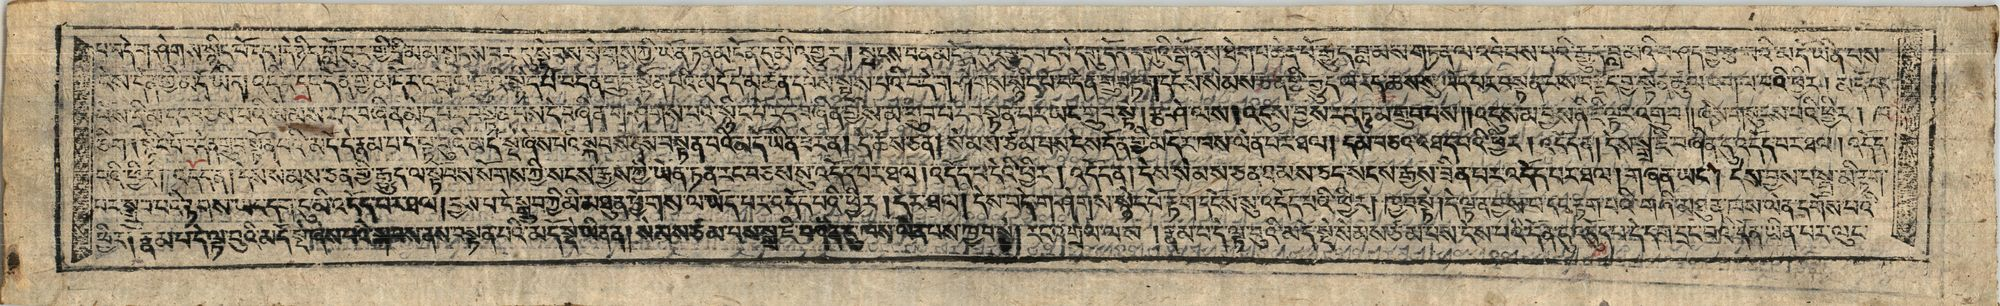པ་བདེ་གཤེགས་སྙིང་པོ་དང་། དེ་ཉིད་གློ་བུར་གྱི་དྲི་མ་མ་སྤངས་བར་དུ་སྟོབས་སོགས་ཀྱི་ཡོན་ཏན་མངོན་དུ་མི་འགྱུར། སྤངས་བ་ན་མངོན་དུ་འགྱུར་བ་དཔེ་དགུ་དོན་དགུའི་སྒོ་ནས་ཐེག་པ་ཆེན་པོ་རྒྱུད་བླ་མས་གཏན་ལ་འབེབས་པའི་རྒྱུད་བླ་མའི་བཤད་བྱ་རྩ་བའི་མདོ་ཡིན་པས་
ངེས་དོན་གྱི་མདོ་ཡིན། འདིར་དྲང་དོན་གྱི་མདོར་འགྲེལ་རྒྱུའི་སྙིང་པོ་བདེན་གྲུབ་སྟོན་པའི་མདོ་དེ་མཚན་དཔེས་སྦྲས?་པའི་བདེ་གཤེགས་སྙིང་པོ་བདེན་གྲུབ་རྟག་དངོས་སེམས་ཅན་གྱི་རྒྱུད་ལ་རང་ཆས་སུ་ཡོད་པར་བསྟན་པས་བརྗོད་བྱ་སྟོན་ཚུལ་འགལ་བའི་ཕྱིར། མདོ་དང་
པོས་དྲི་མ་དང་བཅས་པའི་སེམས་རང་བཞིན་མེད་པར་བསྟན་པས་དེ་བཞིན་གཤེགས་པའི་སྙིང་པོ་རང་བཞིན་གྱིས་མ་གྲུབ་པར་བསྟན་པར་ཡང་གྲུབ་སྟེ། རྩ་ཤེ་ལས། འདུས་བྱས་རབ་ཏུ་མ་གྲུབ་པས། །འདུས་མ་བྱས་ནི་ཇི་ལྟར་འགྲུབ། །ཞེས་གསུངས་པའི་ཕྱིར། ཁ་
ཅིག །སྙིང་པོ་བདེན་གྲུབ་སྟོན་པའི་མདོ་དེ་རྣམ་པ་དེ་ལྟ་བུའི་མེད་སྡེ་ཞེས་པའི་སྐབས་ནས་བསྟན་པའི་མེད་དེ་ཡིན་ཟེར་ན། དེ་ཆོས་ཅན། སེམས་ཙམ་པས་ངེས་དོན་གྱི་མདོར་ཁས་ལེན་པར་ཐལ། དམ་བཅའ་འཐད་པའི་ཕྱིར། འདོད་ན། དེས་སྒྲ་ཇི་བཞིན་དུ་འདོད་པར་ཐལ། འདོད་
པའི་ཕྱིར། འདོད་ན། དེས་སེམས་ཅན་གྱི་རྒྱུད་ལ་སྟོབས་སོགས་ཀྱི་སངས་རྒྱས་ཀྱི་ཡོན་ཏན་རང་བཅས་སུ་འདོད་པར་ཐལ། འདོད་པ་དེའི་ཕྱིར། འདོད་ན། དེས་སེམས་ཅན་ཐམས་ཅད་སངས་རྒྱས་ཟིན་པར་འདོད་པར་ཐལ། གཞན་ཡང་། དེས་བྱས་པ་སྒྲ་མི་རྟག་
པར་སྒྲུབ་པའི་རྟགས་ཡང་དག་དུ་མི་འདོད་པར་ཐལ། བྱས་པ་དེ་སྒྲུབ་ཀྱི་མི་མཐུན་ཕྱོགས་ལ་ཡོད་པར་འདོད་པའི་ཕྱིར། དེར་ཐལ། དེས་བདེ་གཤེགས་སྙེངྤོ་རྟག་དངོས་སུ་འདོད་པའི་ཕྱིར། ཁྱབ་སྟེ། དེ་ལྟ་ན་བྱས་པ་དང་རྟག་པའི་གཞི་མཐུན་ཁས་ལེན་དགོས་པའི་
ཕྱིར། རྣམ་པ་དེ་ལྟ་བུའི་མདོ་སྡེ་ཞེས་པའི་སྐབས་ནས་བསྟན་པའི་མདོ་སྡེ་ཡིན་ན། སེམས་ཙམ་པས་སྒྲ་ཇི་བཞིན་དུ་ཁས་ལེན་པས་ཁྱབ་སྟེ། རང་འགྲེལ་ལས། རྣམ་བདེ་ལྟ་བུའི་མདེསྡེ་སེམས་ཙམ་པས་དེས་པའི་དོན་དུ་འདོད་པ་དེ་དག་དྲང་བའི་དོན་ཡིན་པར་ལུང་